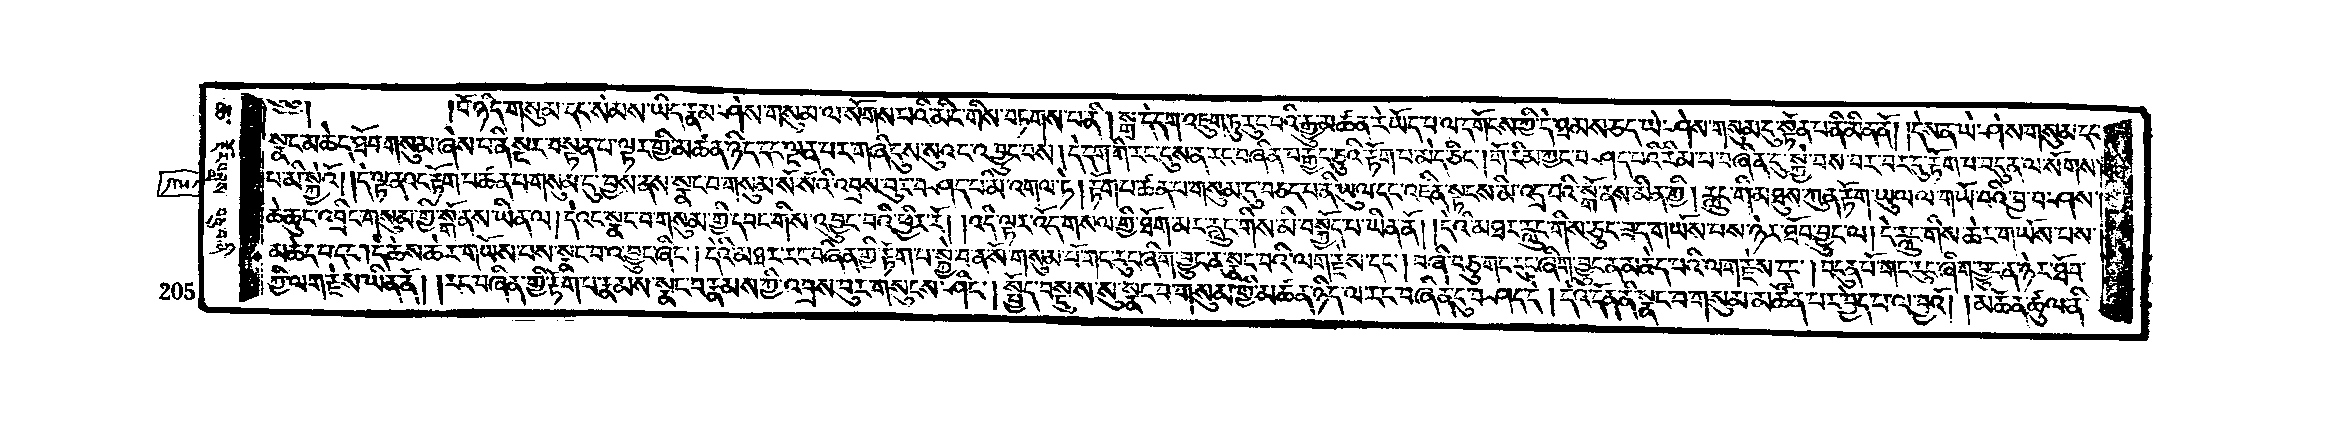༄༅། །བོ་ཉིད་གསུམ་དང་སེམས་ཡིད་རྣམ་ཤེས་གསུམ་ལ་སོགས་པའི་མིང་གིས་བཏགས་པ་ནི། སྒྲ་དེ་དག་འཇུག་ཏུ་རུང་བའི་རྒྱུ་མཚན་རེ་ཡོད་པ་ལ་དགོངས་ཀྱི་དེ་ཐམས་ཅད་ཡེ་ཤེས་གསུམ་དུ་སྟོན་པ་ནི་མིན་ནོ། །དེས་ན་ཡེ་ཤེས་གསུམ་དང་
སྣང་མཆེད་ཐོབ་གསུམ་ཞེས་པ་ནི་སྔར་བསྟན་པ་ལྟར་གྱི་མཚན་ཉིད་དང་ལྡན་པར་གཞི་དུས་སུའང་འབྱུང་བས། དེ་དག་གི་རང་དུས་ན་རང་བཞིན་བརྒྱད་ཅུའི་རྟོག་པ་མེད་ཅིང་། གོ་རིམ་ཀྱང་བཤད་པའི་རིམ་པ་བཞིན་དུ་སྐྱེ་བས་བར་བར་དུ་རྟོག་པ་བདུན་ལ་སོགས་
པ་མི་སྐྱེའོ། །དེ་ལྟ་ནའང་རྟོག་པ་ཚན་པ་གསུམ་དུ་བྱས་ནས་སྣང་བ་གསུམ་སོ་སོའི་འབྲས་བུར་བཤད་པ་མི་འགལ་ཏེ། རྟོག་པ་ཚན་པ་གསུམ་དུ་བཅད་པ་ནི་ཡུལ་དང་འཛིན་སྟངས་མི་འདྲ་བའི་སྒོ་ནས་མིན་གྱི། རླུང་གི་མཐུས་ཀུན་རྟོག་ཡུལ་ལ་གཡོ་བའི་བྱ་བ་ཤས་
ཆེ་ཆུང་འབྲིང་གསུམ་གྱི་སྒོ་ནས་ཡིན་ལ། དེའང་སྣང་བ་གསུམ་གྱི་དབང་གིས་འབྱུང་བའི་ཕྱིར་རོ། །འདི་ལྟར་འོད་གསལ་གྱི་ཐོག་མར་རླུང་གིས་མི་བསྐྱོད་པ་ཡིན་ནོ། །དེའི་མཐར་རླུང་གིས་ཅུང་ཟད་གཡོས་པས་ཉེར་ཐོབ་བྱུང་ལ། དེ་རླུང་གིས་ཆེར་གཡོས་པས་
མཆེད་པ་དང་། དེ་ཆེས་ཆེར་གཡོས་པས་སྣང་བ་འབྱུང་ཞིང་། དེའི་མཐར་རང་བཞིན་གྱི་རྟོག་པ་སྐྱེ་བ་ན་སོ་གསུམ་པོ་གང་རུང་ཞིག་བྱུང་ན་སྣང་བའི་ལག་རྗེས་དང་། བཞི་བཅུ་གང་རུང་ཞིག་བྱུང་ན་མཆེད་པའི་ལག་རྗེས་དང་། བདུན་པོ་གང་རུང་ཞིག་བྱུང་ན་ཉེར་ཐོབ་
ཀྱི་ལག་རྗེས་ཡིན་ནོ། །རང་བཞིན་གྱི་རྟོག་པ་རྣམས་སྣང་བ་རྣམས་ཀྱི་འབྲས་བུར་གསུངས་ཤིང་། སྤྱོད་བསྡུས་སུ་སྣང་བ་གསུམ་གྱི་མཚན་ཉིད་ལ་རང་བཞིན་དུ་བཤད་དེ། དེའི་དོན་ནི་སྣང་བ་གསུམ་མཚོན་པར་བྱེད་པ་ལ་བྱའོ། །མཚོན་ཚུལ་ནི་